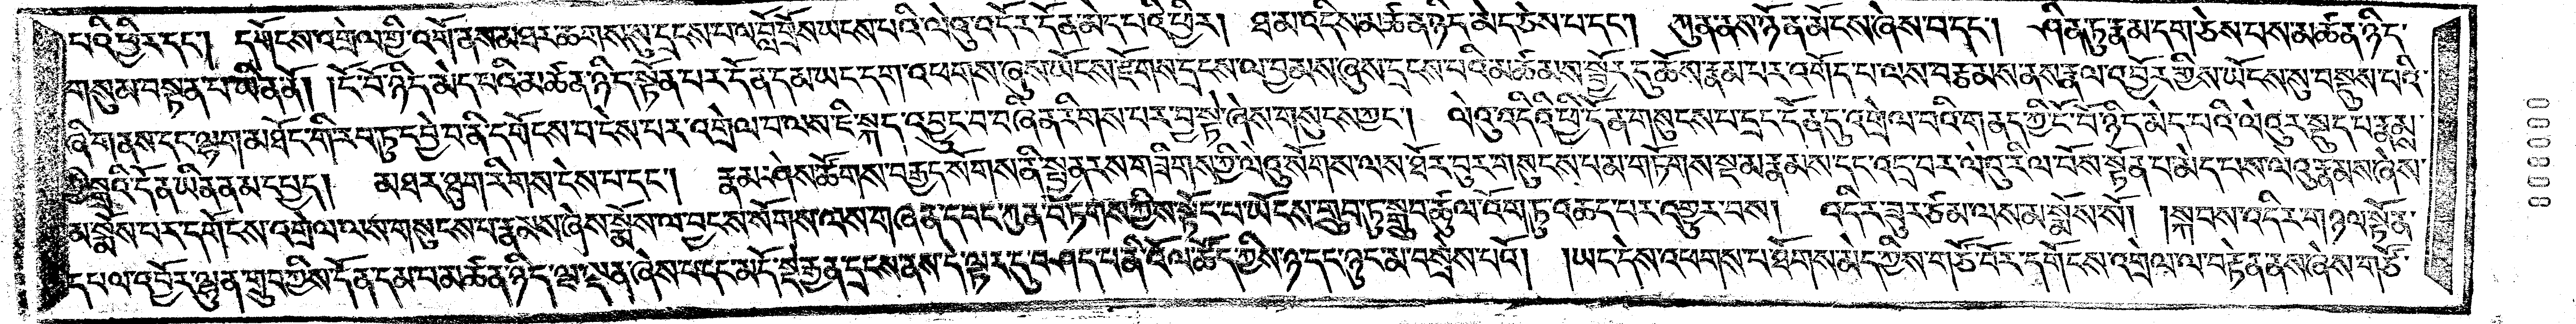པའི་ཕྱིར་དང་། དགོངས་འགྲེལ་གྱི་འགོ་ནས་མཐར་ཚིགས་སུ་དྲངས་པ་ལ་བློ་གྲོས་ཡངས་པའི་ལེའུ་འདོར་དོན་མེད་པའི་ཕྱིར། ཐ་མ་འདིས་མཚན་ཉིད་མེད་ཅེས་པ་དང་། ཀུན་ནས་ཉོན་མོངས་ཞེས་པ་དང་། ཤིན་ཏུ་རྣམ་དག་ཅེས་པས་མཚན་ཉིད་
གསུམ་བསྟན་པ་ཡིན་ནོ། །ངོ་བོ་ཉིད་མེད་པའི་མཚན་ཉིད་སྟོན་པར་དོན་དམ་ཡང་དག་འཕགས་ཞུས་ཡོངས་རྫོགས་དྲངས་ལ་བྱམས་ཞུས་དྲངས་པའི་མཚམས་སྦྱོར་དུ་ཆོས་རྣམ་པར་འགོད་པ་ལས་བརྩམས་ནས་རྣལ་འབྱོར་གྱིས་ཡོངས་སུ་བསྡུས་པའི་
ཞི་གནས་དང་ལྷག་མཐོང་གི་རབ་ཏུ་དབྱེ་བ་ནི་དགོངས་པ་ངེས་པར་འགྲེལ་བ་ལས་ཇི་སྐད་འབྱུང་བ་བཞིན་རིགས་པར་བྱ་སྟེ་ཞེས་གསུངས་ཀྱང་། ལེའུ་འདིའི་ཕྱི་དོན་གསུངས་པ་དྲང་དོན་དུ་འགྲེལ་པའི་གནད་ཀྱི་ངོ་བོ་ཉིད་མེད་པའི་ལེའུར་སྡུད་པ་རྣམས་
ཀྱི་སྒྲའི་དོན་ཡིན་ནམ་དཔྱད། མཐར་ཐུག་རིགས་ངེས་པ་དང་། རྣམ་ཤེས་ཚོགས་བརྒྱད་སོགས་ནི་སྤྱན་རས་གཟིགས་ཀྱི་ལེའུ་སོགས་ལས་ཐོར་བུར་གསུངས་པ་མ་གཏོགས་སྔ་མ་རྣམས་དང་འདྲ་བར་ལེའུ་རིལ་པོས་སྟོན་པ་མེད་པས་ལེའུ་རྣམས་ཞེས་
མ་སྨོས་པར་དགོངས་འགྲེལ་ལས་གསུངས་པ་རྣམས་ཞེས་སྨོས་ལ་བྱང་ས་སོགས་ལས་གཞན་དབང་ཀུན་བཏགས་ཀྱིས་སྟོང་པ་ཡོངས་གྲུབ་ཏུ་སྒྲུབ་ཚུལ་འོག་ཏུ་འཆད་པར་འགྱུར་བས། འདིར་ཟུར་ཙམ་ལས་མ་སྨོས་སོ། །སྐབས་འདིར་གཉལ་སྟོན་
དཔལ་འབྱོར་ལྷུན་གྲུབ་ཀྱིས་དོན་དམ་པ་མཚན་ཉིད་ལྔ་ལྡན་ཞེས་པ་དང་མདོ་སྡེ་རྒྱན་དྲངས་ནས་དེ་ལྟར་དུ་བཤད་པ་ནི་འོལ་ཚོད་ཀྱིས་ཉ་དང་ཉུང་མ་བསྲེས་པའོ། །ཡང་དེས་འཕགས་པ་ཐོགས་མེད་ཀྱིས་གཙོ་བོར་དགོངས་འགྲེལ་ལ་བརྟེན་ནས་ཞེས་གཙོ་